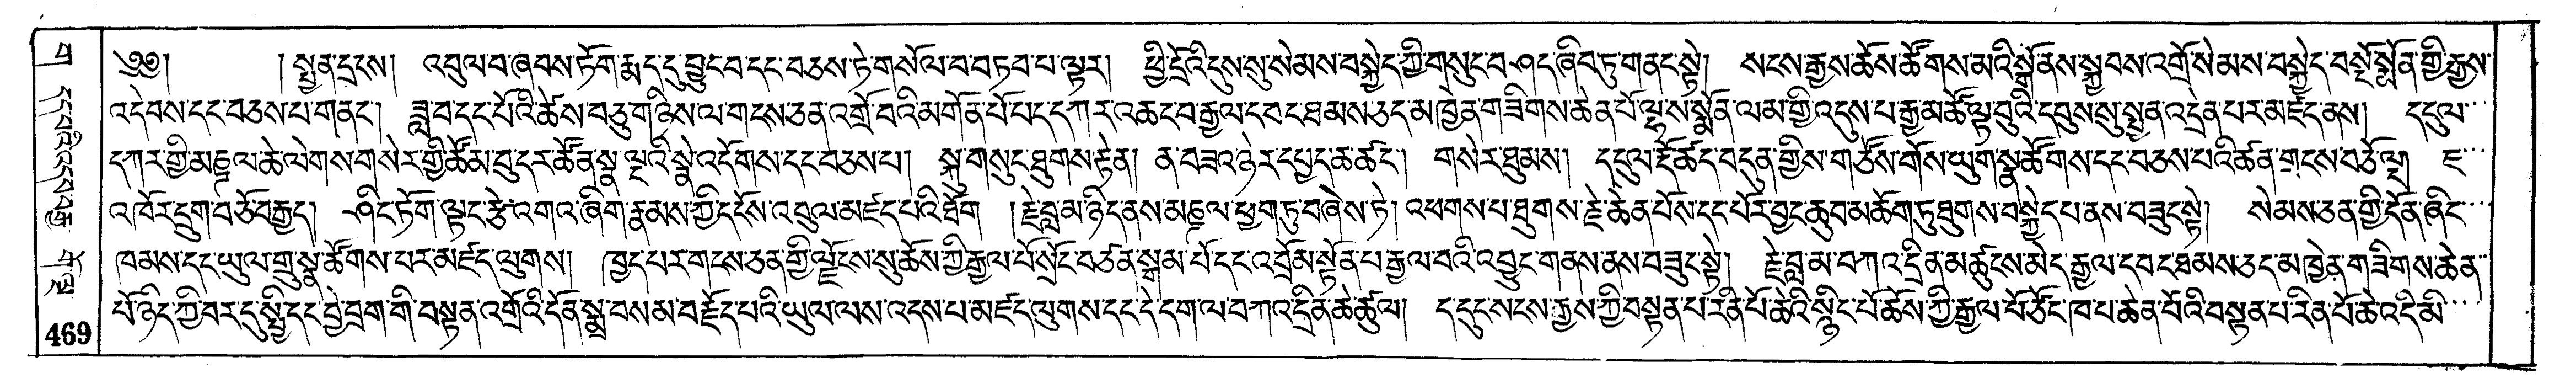༄༅། །སྦྱན་དྲངས། འབུལ་བ་ཞབས་ཏོག་རྨད་དུ་བྱུང་བ་དང་བཅས་ཏེ་གསོལ་བ་བཏབ་པ་ལྟར། ཕྱི་དྲོའི་དུས་སུ་སེམས་བསྐྱེད་ཀྱི་གསུང་བཤད་ཞིབ་ཏུ་གནང་སྟེ། སངས་རྒྱས་ཆོས་ཚོགས་མའི་སྒོ་ནས་སྐྱབས་འགོ་སེམས་བསྐྱེད་བསྔོ་སྨོན་གྱི་རྒྱས་
འདེབས་དང་བཅས་པ་གནང་། ཟླ་བ་དང་པོའི་ཚེས་བཅུ་གཉིས་ལ་གངས་ཅན་འགྲོ་བའི་མགོན་པོ་པད་དཀར་འཆང་བ་རྒྱལ་དབང་ཐམས་ཅད་མཁྱེན་གཟིགས་ཆེན་པོ་ལྷ་ས་སྨོན་ལམ་གྱི་འདུས་པ་རྒྱ་མཚོ་ལྟ་བུའི་དབུས་སུ་སྤྱན་འདྲེན་པར་མཛད་ནས། དངུལ་
དཀར་གྱི་མཎྜལ་ཆེ་ལེགས་གསེར་གྱི་ཚོམ་བུ་དར་ཚོན་སྣ་ལྔའི་སྣེ་འདོགས་དང་བཅས་པ། སྐུ་གསུང་ཐུགས་རྟེན། ན་བཟའ་ཉེར་དཔྱད་ཆ་ཚང་། གསེར་ཐུམས། དངུལ་རྡོ་ཚད་བདུན་གྱིས་གཙོས་གོས་ཡུག་སྣ་ཚོགས་དང་བཅས་པའི་ཚན་གྲངས་བཅོ་ལྔ། ཇ་
འཁོར་དྲུག་བཅོ་བརྒྱད། ཤིང་ཏོག་ལྟང་རྩེ་འགའ་ཞིག་རྣམས་ཀྱི་དངོས་འབུལ་མཛད་པའི་ཐོག །རྗེ་བླ་མ་ཉིད་ནས་མཎྜལ་ཕྱག་ཏུ་བཞེས་ཏེ། འཕགས་པ་ཐུགས་རྗེ་ཆེན་པོས་དང་པོར་བྱང་ཆུབ་མཆོག་ཏུ་ཐུགས་བསྐྱེད་པ་ནས་བཟུང་སྟེ། སེམས་ཅན་གྱི་དོན་ཞིང་
ཁམས་དང་ཡུལ་གྲུ་སྣ་ཚོགས་པར་མཛད་ལུགས། ཁྱད་པར་གངས་ཅན་གྱི་ལྗོངས་སུ་ཆོས་ཀྱི་རྒྱལ་པོ་སྲོང་བཙན་སྒམ་པོ་དང་འབྲོམ་སྟོན་པ་རྒྱལ་བའི་འབྱུང་གནས་ནས་བཟུང་སྟེ། རྗེ་བླ་མ་བཀའ་དྲིན་མཚུངས་མེད་རྒྱལ་དབང་ཐམས་ཅད་མཁྱེན་གཟིགས་ཆེན་
པོ་ཉིད་ཀྱི་བར་དུ་སྦྱི་དང་བྱེ་བྲག་གི་བསྟན་འགྲོའི་དོན་སྨྲ་བསམ་བརྗོད་པའི་ཡུལ་ལས་འདས་པ་མཛད་ལུགས་དང་དེ་དག་ལ་བཀའ་དྲིན་ཆེ་ཚུལ། ད་དུང་སངས་རྒྱས་ཀྱི་བསྟན་པ་རིན་པོ་ཆེའི་སྙིང་པོ་ཆོས་ཀྱི་རྒྱལ་པོ་ཙོང་ཁ་པ་ཆེན་པོའི་བསྟན་པ་རིན་པོ་ཆེ་འདི་མི་